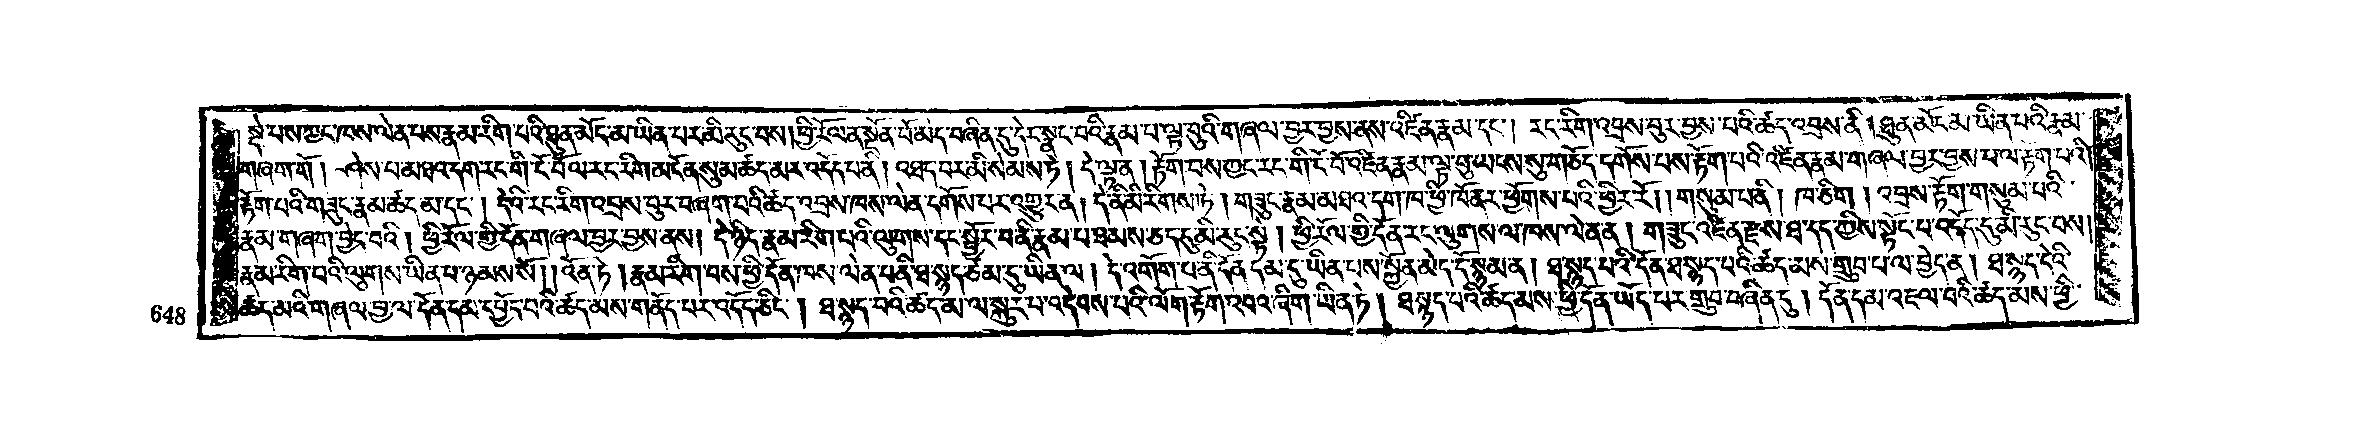སྡེ་པས་ཀྱང་ཁས་ལེན་པས་རྣམ་རིག་པའི་ཐུན་མོང་མ་ཡིན་པར་མི་རུང་བས། ཕྱི་རོལ་ན་སྔོན་པོ་མེད་བཞིན་དུ་དེར་སྣང་བའི་རྣམ་པ་ལྟ་བུའི་གཞལ་བྱར་བྱས་ནས་འཛིན་རྣམ་དང་། རང་རིག་འབྲས་བུར་བྱས་པའི་ཚད་འབྲས་ནི། ཐུན་མོང་མ་ཡིན་པའི་རྣམ་
གཞག་གོ །ཤེས་པ་མཐའ་དག་རང་གི་ངོ་བོ་ལ་རང་རིག་མངོན་སུམ་ཚད་མར་འདོད་པ་ནི། འཐད་པར་མི་སེམས་ཏེ། དེ་ལྟ་ན། རྟོག་པས་ཀྱང་རང་གི་ངོ་བོ་འཛིན་རྣམ་ལྟ་བུ་ཡོངས་སུ་གཅོད་དགོས་པས་རྟོག་པའི་འཛིན་རྣམ་གཞལ་བྱར་བྱས་པ་ལ་རྟོག་པའི་
རྟོག་པའི་གཟུང་རྣམ་ཚད་མ་དང་། དེའི་རང་རིག་འབྲས་བུར་བཞག་པའི་ཚད་འབྲས་ཁས་ལེན་དགོས་པར་འགྱུར་ན། དེ་ནི་མི་རིགས་ཏེ། གཟུང་རྣམ་མཐའ་དག་ཕྱི་ཁོ་ནར་ཕྱོགས་པའི་ཕྱིར་རོ། །གསུམ་པ་ནི། ཁ་ཅིག །འབྲས་རྟོག་གསུམ་པའི་
རྣམ་གཞག་བྱེད་པའི། ཕྱི་རོལ་གྱི་དོན་གཞལ་བྱར་བྱས་ནས། དེ་ཉིད་རྣམ་རིག་པའི་ལུགས་དང་སྦྱོར་བ་ནི་རྣམ་པ་ཐམས་ཅད་དུ་མི་རུང་སྟེ། ཕྱི་རོལ་གྱི་དོན་རང་ལུགས་ཁས་ལེན་ན། གཟུང་འཛིན་རྫས་ཐ་དད་ཀྱིས་སྟོང་པ་འདོད་དུ་མི་རུང་བས་
རྣམ་རིག་པའི་ལུགས་ཡིན་པ་ཉམས་སོ། །འོན་ཏེ། རྣམ་རིག་པ་ཕྱི་དོན་ཁས་ལེན་པ་ནི་ཐ་སྙད་ཙམ་དུ་ཡིན་ལ། དེ་འགོག་པ་ནི་དོན་དམ་དུ་ཡིན་པས་སྐྱོན་མེད་དོ་སྙམ་ན། ཐ་སྙད་པའི་དོན་ཐ་སྙད་པའི་ཚད་མས་གྲུབ་པ་ལ་བྱེད་ན། ཐ་སྙད་དེའི་
ཚད་མའི་གཞལ་བྱ་ལ་དོན་དམ་དཔྱོད་པའི་ཚད་མས་གནོད་པར་འདོད་ཅིང་། ཐ་སྙད་པའི་ཚད་མ་ལ་སྐུར་བ་འདེབས་པའི་ལོག་རྟོག་འབའ་ཞིག་ཡིན་ཏེ། ཐ་སྙད་པའི་ཚད་མས་ཕྱི་དོན་ཡོད་པར་གྲུབ་བཞིན་དུ། དོན་དམ་འཇལ་བའི་ཚད་མས་ཕྱི་